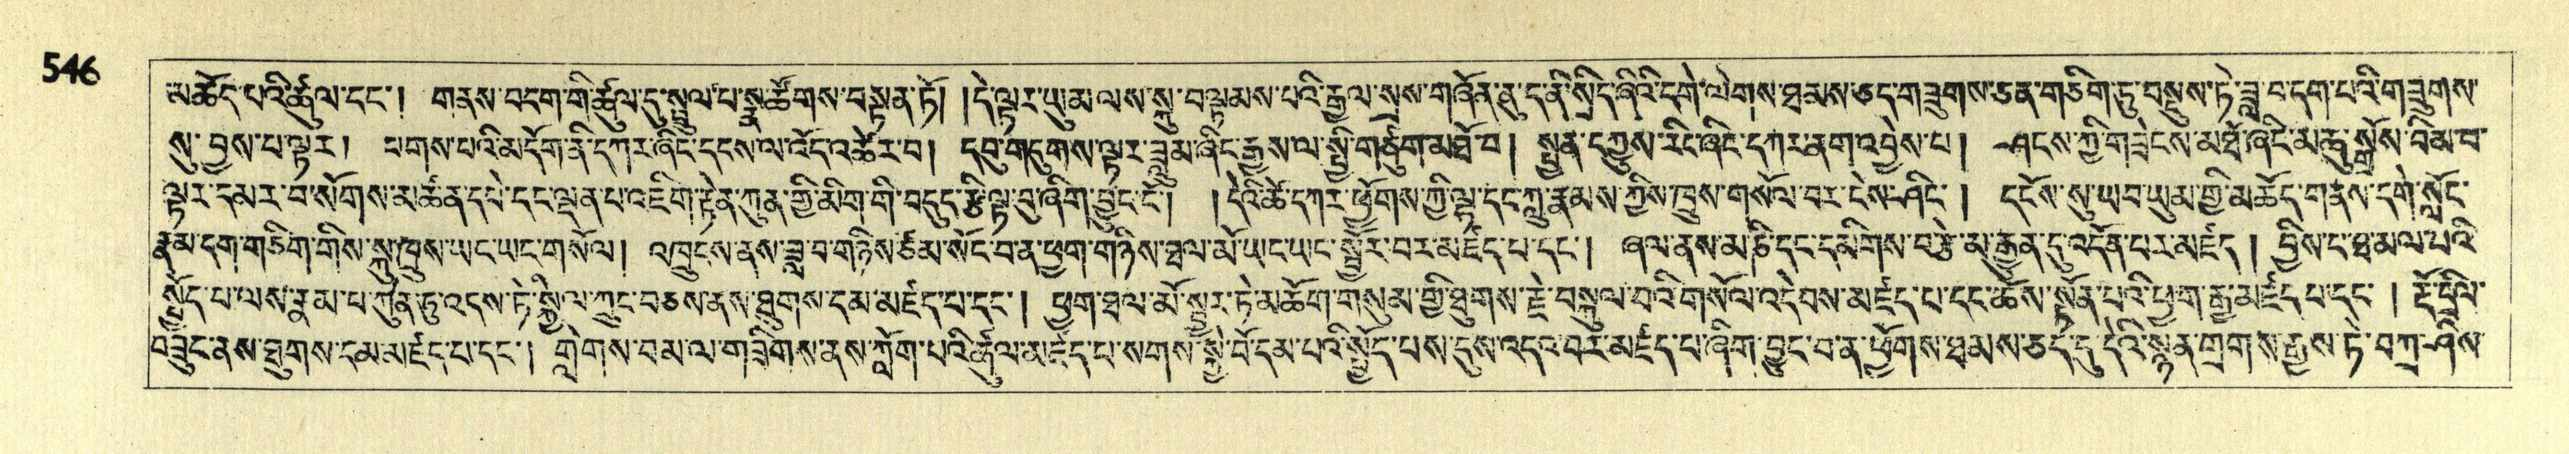མཆོད་པའི་ཚུལ་དང་། གནས་བདག་གི་ཚུལ་དུ་སྤྲུལ་པ་སྣ་ཚོགས་བསྟན་ཏོ། །དེ་ལྟར་ཡུམ་ལས་སྐུ་བལྟམས་པའི་རྒྱལ་སྲས་གཞོན་ནུ་ད་ནི་སྲིད་ཞིའི་དགེ་ལེགས་ཐམས་ཅད་གཟུགས་ཅན་གཅིག་ཏུ་བསྡུས་ཏེ་ཟླ་བ་དག་པའི་གཟུགས་
སུ་བྱས་པ་ལྟར། པགས་པའི་མདོག་ནི་དཀར་ཞིང་དངས་ལ་འོད་འཚེར་བ། དབུ་གདུགས་ལྟར་ཟླུམ་ཞིང་རྒྱས་ལ་སྤྱི་གཙུག་མཐོ་བ། སྤྱན་དཀྱུས་རིང་ཞིང་དཀར་ནག་འབྱེས་པ། ཤངས་ཀྱི་གཟེངས་མཐོ་ཞིང་མཆུ་སྒྲོས་བིམ་པ་
ལྟར་དམར་བ་སོགས་མཚན་དཔེ་དང་ལྡན་པ་འཇིག་རྟེན་ཀུན་གྱི་མིག་གི་བདུད་རྩི་ལྟ་བུ་ཞིག་བྱུང་ངོ། །དེའི་ཚེ་དཀར་ཕྱོགས་ཀྱི་ལྷ་དང་ཀླུ་རྣམས་ཀྱིས་ཁྲུས་གསོལ་བར་ངེས་ཤིང་། དངོས་སུ་ཡབ་ཡུམ་གྱི་མཆོད་གནས་དགེ་སློང་
རྣམ་དག་གཅིག་གིས་སྐུ་ཁྲུས་ཡང་ཡང་གསོལ། འཁྲུངས་ནས་ཟླ་བ་གཉིས་ཙམ་སོང་བ་ན་ཕྱག་གཉིས་ཐལ་མོ་ཡང་ཡང་སྦྱོར་བར་མཛད་པ་དང་། ཞལ་ནས་མ་ཎི་དང་དམིགས་བརྩེ་མ་རྒྱུན་དུ་འདོན་པར་མཛད། བྱིས་པ་ཐ་མལ་པའི་
སྤྱོད་པ་ལས་རྣམ་པ་ཀུན་ཏུ་འདས་ཏེ་སྐྱིལ་ཀྲུང་བཅས་ནས་ཐུགས་དམ་མཛད་པ་དང་། ཕྱག་ཐལ་མོ་སྦྱར་ཏེ་མཆོག་གསུམ་གྱི་ཐུགས་རྗེ་བསྐུལ་བའི་གསོལ་འདེབས་མཛད་པ་དང་ཆོས་སྟོན་པའི་ཕྱག་རྒྱ་མཛད་པ་དང་། རྡོ་དྲིལ་
བཟུང་ནས་ཐུགས་དམ་མཛད་པ་དང་། གླེགས་བམ་ལ་གཟིགས་ནས་ཀློག་པའི་ཚུལ་མཛད་པ་སོགས་སྐྱེ་བོ་དམ་པའི་སྤྱོད་པས་དུས་འདའ་བར་མཛད་པ་ཞིག་བྱུང་བ་ན་ཕྱོགས་ཐམས་ཅད་དུ་དེའི་སྙན་གྲགས་རྒྱས་ཏེ་བཀྲ་ཤིས་